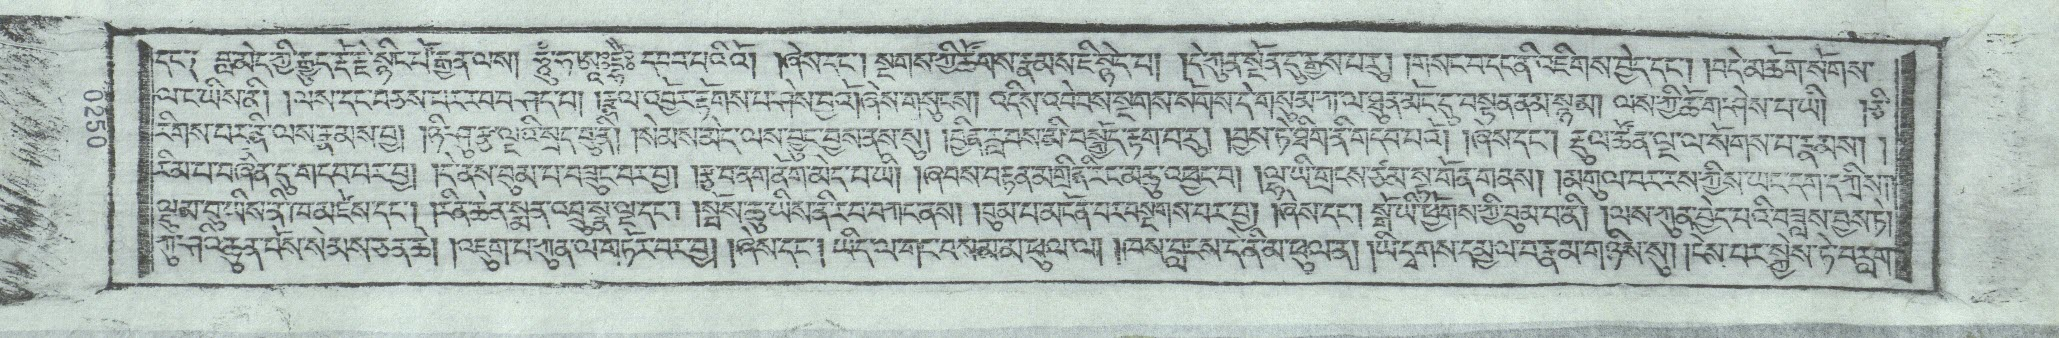དང༑ བླ་མེད་ཀྱི་རྒྱུད་རྡོ་རྗེ་སྙིང་པོ་རྒྱན་ལས། ཧཱུཾ་ཧ་ཨཱཿཛྷཻཿདབབ་པའི་འོ། །ཞེས་དང་། སྔགས་ཀྱི་ཚོགས་རྣམས་ཇི་སྙེད་པ། །དེ་ཀུན་སྔོན་དུ་རྒྱས་པ་རུ། །གསང་བ་དང་ནི་འཇིགས་བྱེད་དང་། །བདེ་མཆོག་སོགས་
ལ་ང་ཡིས་ནི། །ལས་དང་བཅས་པར་རབ་བཤད་པ། །རྣལ་འབྱོར་རྟོགས་པ་ཤེས་བྱའོ། ཞེས་གསུངས། འདིས་འབེབས་སྔགས་སོགས་དེ་གསུམ་ཀ་ལ་ཐུན་མོང་དུ་བསྟན་ནམ་སྙམ། ལས་ཀྱི་ཆོ་ག་ཤེས་པ་ཡི། །ཅི་
རིགས་པར་ནི་ལས་རྣམས་བྱ། །ཉི་ཤུ་རྩ་ལྔའི་སྲད་བུ་ནི། །སེམས་མེད་ལས་བྱུང་བྱས་ནས་སུ། །བྱིན་རླབས་མི་བསྐྱོད་རྟག་པ་རུ། །བྱས་ཏེ་ཐིག་ནི་གདབ་པའོ། །ཞེས་དང་། རྡུལ་ཚོན་ལྔ་ལ་སོགས་པ་རྣམས། །
རིམ་པ་བཞིན་དུ་གདབ་པར་བྱ། །དེ་ནས་བུམ་པ་བཟུང་བར་བྱ། །རྩ་བ་ནག་ནོག་མེད་པ་ཡི། །ཞབས་བརྟན་མགྲིན་རིང་མཆུ་འཕྱང་བ། །ལྷ་ཡི་གྲངས་ཙམ་སྟ་གོན་གནས། །མགུལ་བར་རས་ཀྱིས་ཡང་དག་དཀྲིས།
ལྡུམ་བུ་ཡིས་ནི་ཁ་མཛེས་དང་། །རིན་ཆེན་སྨན་འབྲུ་སྣ་ལྔ་དང་། །སྤོས་ཆུ་ཡིས་ནི་རབ་བཀང་ནས། །བུམ་པ་མངོན་པར་བསྔགས་པར་བྱ། །ཞེས་དང་། སྒོ་ཡི་ཕྱོགས་ཀྱི་བུམ་པ་ནི། །ལས་ཀུན་བྱེད་པའི་བཟླས་བྱས་ཏེ།
ཀུ་ཤའི་ཆུན་པོས་སེམས་ཅན་ཆེ། །འཇུག་པ་ཀུན་ལ་གཏོར་བར་བྱ། །ཞེས་དང་། ཡིད་ལ་གང་བསམ་མ་ཕུལ་ལ། །ཁས་བླངས་དེ་ནི་མ་ཕུལ་ན། །ཡི་དྭགས་དམྱལ་བ་རྣམ་གཉིས་སུ། །ངེས་པར་སྐྱེས་ཏེ་བརླག་